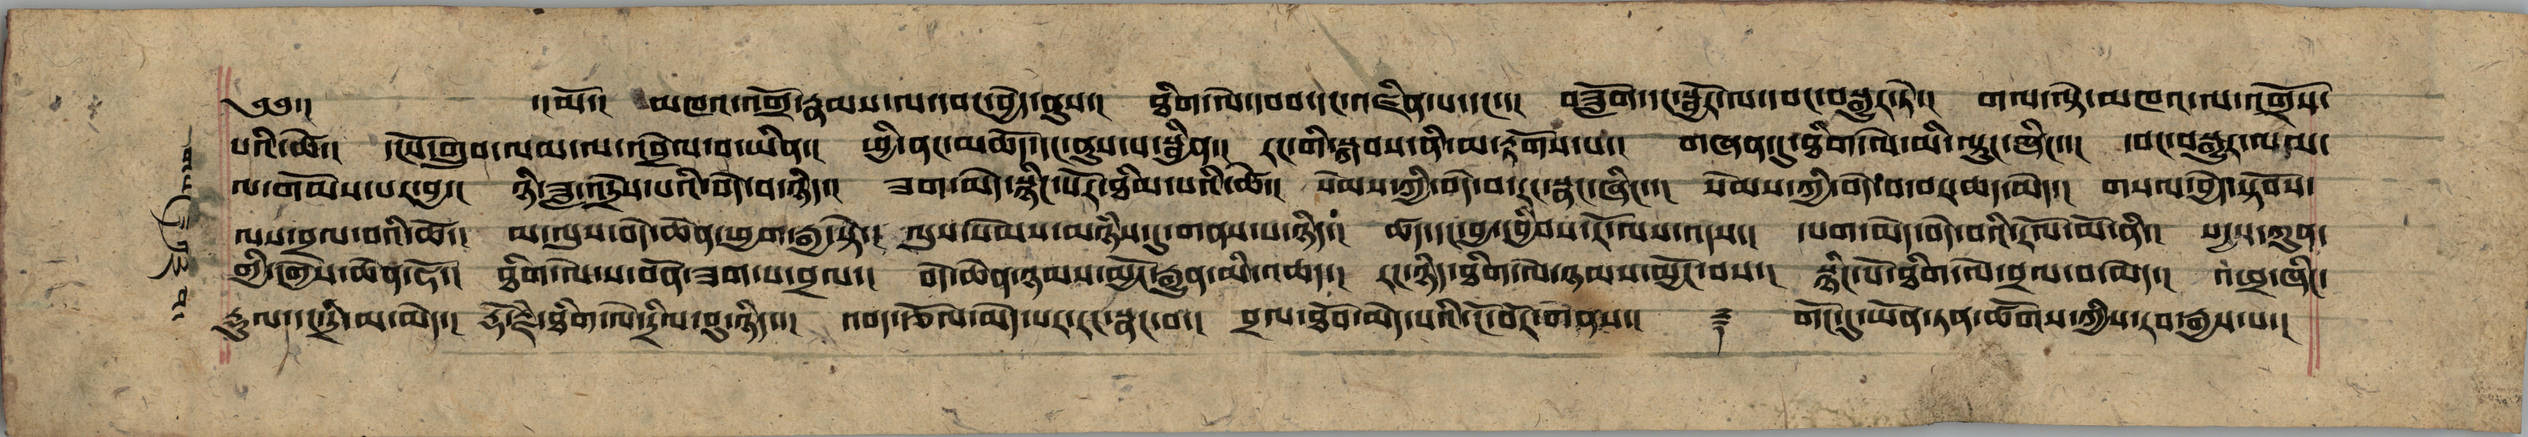༄༅་། ་།མོ་། མཁའ་འགྲོ་རྣམས་ལ་དབང་བྱེད་ནུས་། ཐིག་ལེ་དབབ་དང་འཛིན་པ་དང་་། བཟློག་དང་སྦྱོར་ལ་དབང་བསྒྱུར་ཏེ་། གལ་ལྟེ་མཁའ་ལ་འགྲོས་
པའི་ཚེ་། དངོས་གྲུབ་ལམ་ལ་འབྲེལ་བ་ཡིན་། ཕྱི་ནང་མཆོད་དང་ནུས་པ་སྦྱིན་། རང་གི་སྐབས་ནི་མ་རྟོགས་པ་། གཞན་དུ་ཐིག་ལེ་མི་ལྟུང་ཞིང་་། དབང་བསྒྱུར་ལམ་
ལ་གོམས་པར་བྱ་། ཉི་ཟླ་འདྲེས་པའི་བདེ་བ་ཉིད་། ཟག་མེད་སྙིང་པོར་ཐིམ་པའི་ཚེ་། སེམས་ཀྱི་བདེ་བ་རང་སྣང་ཞིང་་། སེམས་ཀྱི་བདེ་བ་བར་ཆད་མེད་། གསལ་བྱེད་སྟོབས་
ལས་བྲལ་བའི་ཚེ་། མ་ལུས་བདེ་ཆེན་ཕྱག་རྒྱ་སྟེ་། ལུས་སེམས་མཉཾས་དུ་གནས་པ་ཉིད་། ཚད་དང་བྱ་དབྱིབས་རོ་ལས་འདས་། དཔག་མེད་བདེ་བའི་རོལ་མོ་ནི་། སདྱས་ཀུན་
གྱི་དགྱེས་ཆེན་ཧོ་། ཐིག་ལེ་ས་བོན་ཟག་པ་བྲལ་། བདེ་ཆེན་ཉམས་མྱོང་རྒྱུན་མི་འཆད་། རང་ཉིད་ཐིག་ལེ་ཉམས་མྱོང་བས་། སྙིང་པོ་ཐིག་ལེ་བྲལ་བ་མེད་། འཕྲ་ཞིང་
རྡུལ་དང་དྲི་མ་མེད་། རྡོ་རྗེ་ཐིག་ལེ་དྲིལ་བུ་ཉིད་་། འབད་རྩོལ་མེད་པར་རང་སྣང་བ་། བྲལ་ཐོབ་མེད་པའི་ངོ་བོར་གནས་། ࿑ གོང་དུ་ཡོན་ཏན་ཚོགས་ཀྱིས་རབ་རྒྱས་པ་།